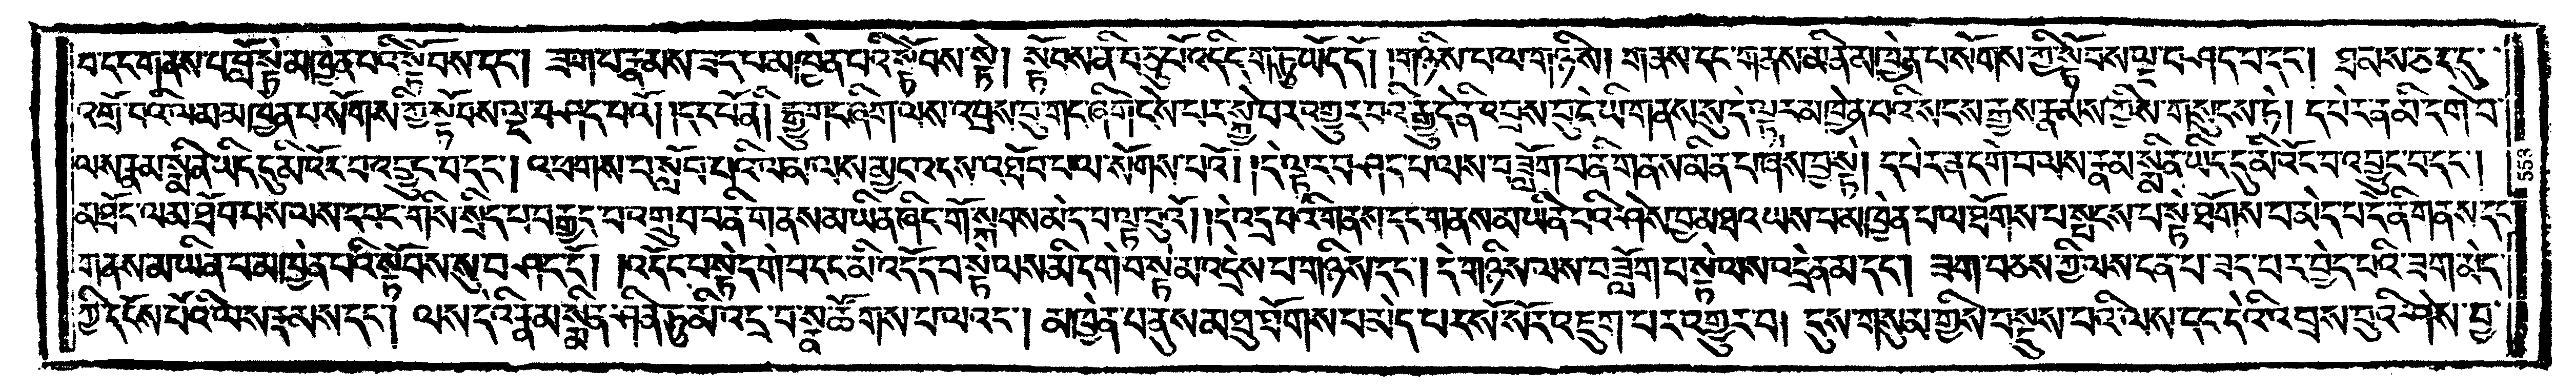བ་དང་གནས་པ་བློ་སྟེ་མཁྱེན་པའི་སྟོབས་དང་། ཟག་པ་རྣམས་ཟད་པ་མཁྱེན་པའི་སྟོབས་སྟེ། སྟོབས་ནི་བཅུ་པོ་འདི་དག་ཏུ་ཡོད་དོ། །གཉིས་པ་ལ་གཉིས། གནས་དང་གནས་མིན་མཁྱེན་པ་སོགས་ཀྱི་སྟོབས་ལྔ་བཤད་པ་དང་། ཐམས་ཅད་དུ་
འགྲོ་བའི་ལམ་མཁྱེན་པ་སོགས་ཀྱི་སྟོབས་ལྔ་བཤད་པའོ། །དང་པོ་ནི། རྒྱུ་གང་ཞིག་ལས་འབྲས་བུ་གང་ཞིག་ངེས་པར་སྐྱེ་བར་འགྱུར་བའི་རྒྱུ་དེ་ནི་འབྲས་བུ་དེ་ཡི་གནས་སུ་དེ་ལྟར་མཁྱེན་པའི་སངས་རྒྱས་རྣམས་ཀྱིས་གསུངས་ཏེ། དཔེར་ན་མི་དགེ་བ་
ལས་རྣམ་སྨིན་ཡིད་དུ་མི་འོང་བ་འབྱུང་བ་དང་། འཕགས་པ་སློབ་པའི་ལམ་ལས་མྱང་འདས་འཐོབ་པ་ལ་སོགས་པའོ། །དེ་ལྟར་བཤད་པ་ལས་བཟློག་པ་ནི་གནས་མིན་པ་ཞེས་བྱ་སྟེ། དཔེར་ན་དགེ་བ་ལས་རྣམ་སྨིན་ཡིད་དུ་མི་འོང་བ་འབྱུང་བ་དང་།
མཐོང་ལམ་ཐོབ་པས་ལས་དབང་གིས་སྲིད་པ་བརྒྱད་པ་འགྲུབ་པ་ནི་གནས་མ་ཡིན་ཞིང་གོ་སྐབས་མེད་པ་ལྟ་བུའོ། །དེ་འདྲ་བའི་གནས་དང་གནས་མ་ཡིན་པའི་ཤེས་བྱ་མཐའ་ཡས་པ་མཁྱེན་པ་ལ་ཐོགས་པ་སྤངས་པ་སྟེ་ཐོགས་པ་མེད་པ་དེ་ནི་གནས་དང་
གནས་མ་ཡིན་པ་མཁྱེན་པའི་སྟོབས་སུ་བཤད་དོ། །འདོད་པ་སྟེ་དགེ་བ་དང་མི་འདོད་པ་སྟེ་ལས་མི་དགེ་བ་སྟེ་མ་འདྲེས་པ་གཉིས་དང་། དེ་གཉིས་ལས་བཟློག་པ་སྟེ་ལས་འདྲེས་མ་དང་། ཟག་བཅས་ཀྱི་ལས་ངན་པ་ཟད་པར་བྱེད་པའི་ཟག་མེད་
ཀྱི་དངོས་པོའི་ལས་རྣམས་དང་། ལམ་དེའི་རྣམ་སྨིན་ཤིན་ཏུ་མི་འདྲ་བ་སྣ་ཚོགས་པ་ལའང་། མཁྱེན་པ་ནུས་མཐུ་ཐོགས་པ་མེད་པར་སོ་སོར་འཇུག་པར་འགྱུར་བ། དུས་གསུམ་གྱིས་བསྡུས་པའི་ལས་དང་དེའི་འབྲས་བུའི་ཤེས་བྱ་